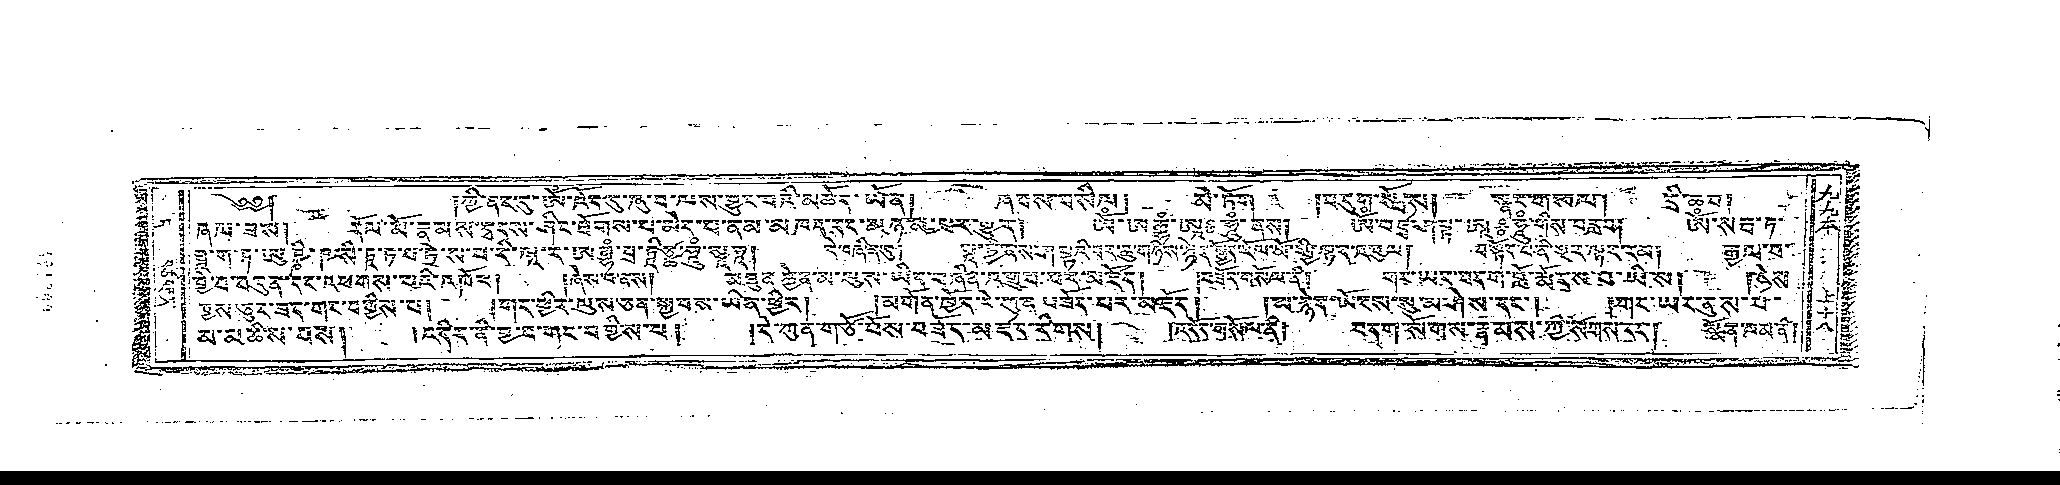༄༅། །ཀྱི་ནང་དུ་ཨོཾ་འོད་དུ་ཞུ་བ་ལས་བྱུང་བའི་མཆོད་ཡོན། ཞབས་བསིལ། མེ་ཏོག །བདུག་སྤོས། སྣང་གསལ། དྲི་ཆབ།
ཞལ་ཟས། རོལ་མོ་རྣམས་དྭངས་ཤིང་ཐོགས་པ་མེད་པ་ནམ་མཁའ་དང་མཉམ་པར་གྱུར། ཨོཾ་ཨརྒྷཾ་ཨཱཿ་ཧཱུཾ་ནས། ཨོཾ་བཛྲ་ཤཔྟ་ཨཱཿ་ཧཱུཾ་གིས་བརླབ། ཨོཾ་སརྦ་ཏ་
ཐཱ་ག་ཏ་ཨུཥྞི་ཥ་སི་ཏཱ་ཏ་པ་ཏྲེ་ས་པ་རི་ཝཱ་ར་ཨརྒྷཾ་པྲ་ཏཱིཙྪ་ཧཱུཾ་སྭཱ་ཧཱ། དེ་བཞིན་དུ། པཱ་ཏྱཾ་ནས་ཤཔྟའི་བར་ཆུ་གཉིས་ཉེར་སྤྱོད་རོལ་མོ་སྤྱི་ལྟར་འབུལ་ཁ་བསྟོད་པ་ནི་སྔར་ལྟར་རམ། རྒྱལ་བ་
བྱེ་བ་བདུན་དང་འཕགས་པའི་འཁོར། །ཞེས་པ་ནས། མཐུན་ཀྱེ་ན་མ་ལུས་ཡིད་བཞིན་འགྲུབ་པར་མཛོད། །བཟོད་གསོལ་ནི། གང་ཡང་བདག་བློ་རྨོངས་པ་མིས། །ཉེས་
བྱས་ཅུང་ཟད་གང་བགྱིས་པ། གང་ཕྱིར་ལུས་ཅན་སྐྱབས་ཡིན་ཕྱིར། །མགོན་ཁྱོད་དེ་ཀུན་བཟོད་པར་མཛོད། །མ་རྙེད་ཡོངས་སུ་མ་ཤེས་དང་། །གང་ཡང་ནུས་པ་
མ་མཆིས་པས། །འདིར་ནི་བྱ་བ་གང་བགྱིས་པ། །དེ་ཀུན་གཙོ་བོས་བཟོད་མཛད་རིགས། །འདོད་གསོལ་ནི། བདག་སོགས་རྣམས་ཀྱི་སོགས་དང་། སྨོན་ལམ་ནི།